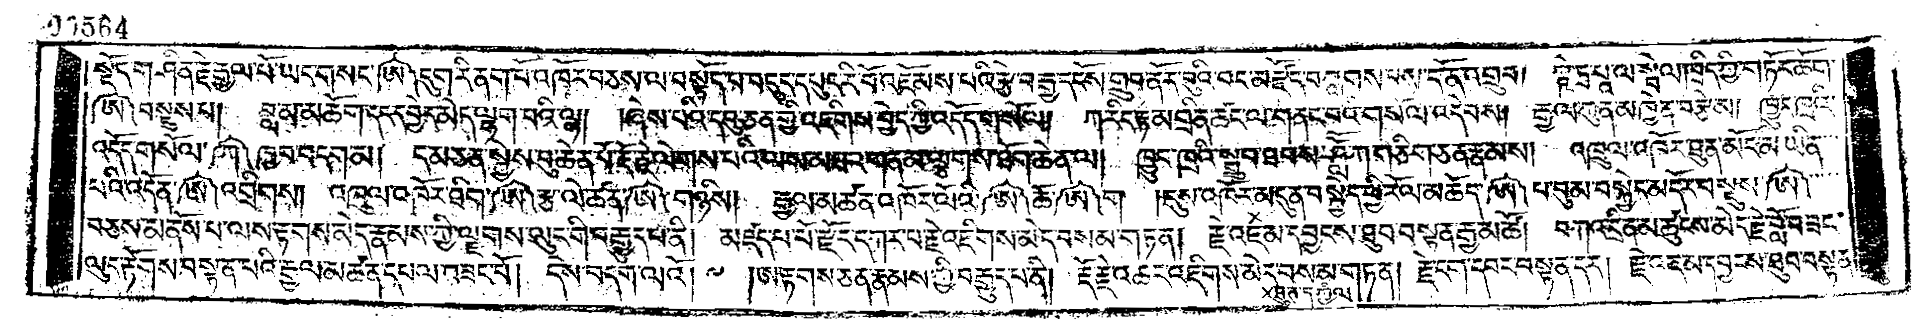སྡོད་གཤིན་རྗེ་རྒྱལ་པོ་ཡང་གསང ༼ཨ༽ དུག་རི་ནག་པོ་འཁོར་བཅས་ལ་བསྟོད་པ་བདུད་དཔུང་རི་བོ་འཇོམས་པའི་རྩེ་བརྒྱ་དངོས་གྲུབ་ནོར་བུའི་བང་མཛོད་བཀླགས་པས་དོན་འགྲུབ། ཀྵེ་ཏྲ་པཱ་ལ་སྦེལ་ཁྲིད་ཀྱི་གཏོར་ཆོག་
༼ཨ༽ བསྡུས་པ། བླ་མ་མཆོག་དང་དབྱེར་མེད་ལྷག་པའི་ལྷ། །ཞེས་པའི་དབུ་ཅན་གྱི་འཇིགས་བྱེད་ཀྱི་འདོད་གསོལ། ཀ་རིང་རྟ་མགྲིན་ཚང་ལ་གནང་བའི་གསོལ་འདེབས། རྒྱལ་ཀུན་མཁྱེན་བརྩེ་མ། ཁྱུད་ཁྲའི་
འདོད་གསོལ ༼ཀ༽ ཁྱབ་བདག་མ། དམ་ཅན་སྐྱེས་བུ་ཆེན་པོ་རྡོ་རྗེ་ལེགས་པའི་ལས་མཐའ་གནམ་ལྕགས་ཐོག་ཆེན་ལ། ཁྱུང་ཁྲའི་སྒྲུབ་ཐབས་ཤླཽ་ཀ་གཅིག་ཅན་རྣམས། འཁྲུལ་འཁོར་ཐུན་མོང་མ་ཡིན་
པའི་འདོན ༼ཨ༽ འགྲིགས། འཁྲུལ་འཁོར་ཐིག ༼ཨ༽ རྩ་ལེ་ཚན ༼ཨ༽ གཉིས། རྒྱལ་མཚན་འཁོར་ལོའི ༼ཨ༽ ཆོ ༼ཨ༽ ག །དུས་འཁོར་མདུན་བསྐྱེད་ཕྱི་རོལ་མཆོད ༼ཨ༽ པ་བུམ་བསྐྱེད་མདོར་བསྡུས ༼ཨ༽
བཅས་མནོས་པ་ལས་རྟགས་མེད་རྣམས་ཀྱི་ལྗགས་ལུང་གི་བརྒྱུད་པ་ནི། མཛད་པ་པོ་རྫོང་དཀར་པ་རྗེ་འཇིགས་མེད་བསམ་གཏན། རྗེ་འཇམ་དབྱངས་ཐུབ་བསྟན་རྒྱ་མཚོ། བཀའ་དྲིན་མཚུངས་མེད་རྗེ་བློ་བཟང་
ལུང་རྟོགས་བསྟན་པའི་རྒྱལ་མཚན་དཔལ་བཟང་པོ། དེས་བདག་ལའོ། ༧་།ཨ་རྟགས་ཅན་རྣམས་ཀྱི་བརྒྱུད་པ་ནི། རྡོ་རྗེ་འཆང་འཇིགས་མེད་བསམ་གཏན། རྗེ་ངག་དབང་བསྟན་དར། རྗེ་འཇམ་དབྱངས་ཐུབ་བསྟན་